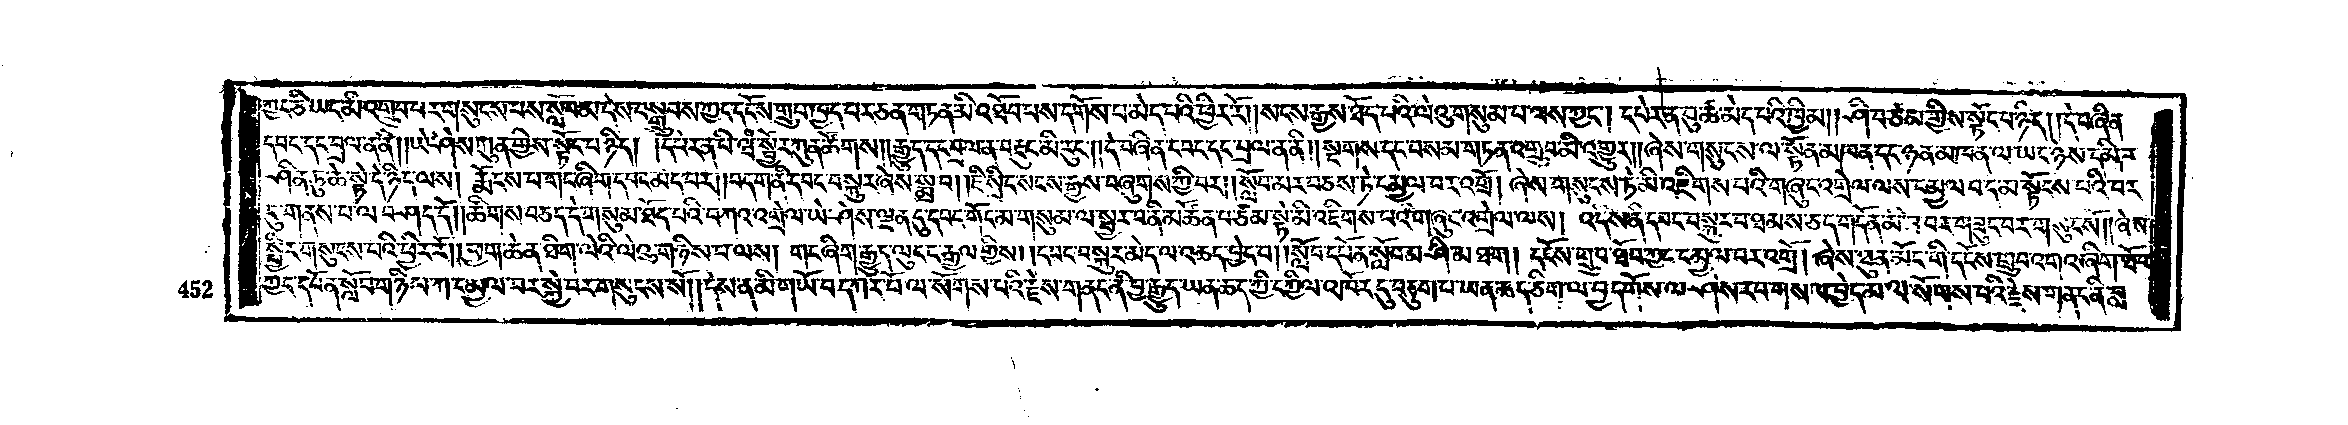ཀྱང་ཅི་ཡང་མི་འགྲུབ་པར་གསུངས་པས་སློབ་མ་དེས་བསྒྲུབས་ཀྱང་དངོས་གྲུབ་ཁྱད་པར་ཅན་གཏན་མི་འཐོབ་པས་དགོས་པ་མེད་པའི་ཕྱིར་རོ། །སངས་རྒྱས་ཐོད་པའི་ལེའུ་གསུམ་པ་ལས་ཀྱང་། དཔེར་ན་བུ་ཚ་མེད་པའི་ཁྱིམ། །ཤི་བ་ཙམ་གྱིས་སྟོང་པ་ཉིད། །དེ་བཞིན་
དབང་དང་བྲལ་ན་ནི། །ཡེ་ཤེས་ཀུན་གྱིས་སྟོང་པ་ཉིད། །དཔེར་ན་པི་ཝཾ་སྦྱོར་ཀུན་ཚོགས། །རྒྱུད་དང་བྲལ་ན་བརྡུང་མི་རུང་། །དེ་བཞིན་དབང་དང་པྲལ་ན་ནི། །སྔགས་དབང་བསམ་གཏན་འགྲུབ་མི་འགྱུར། ཞེས་གསུངས་ལ་སྟོན་མཁན་དང་ཉན་མཁན་ལ་ཡང་ཉེས་སྨིཌ་
ཤིན་ཏུ་ཆེ་སྟེ་དེ་ཉིད་ལས། རྨོངས་པ་གང་ཞིག་དབང་མེད་པར། །བདག་ནི་དབང་བསྐུར་ཞེས་སྨྲ་བ། །ཇི་སྲིད་སངས་རྒྱས་བཞུགས་ཀྱི་བར། །སློབ་མར་བཅས་ཏེ་དམྱལ་བར་འགྲོ། །ཞེས་གསུངས་ཏེ་མི་འཇིགས་པའི་གཞུང་འགྲེལ་ལས་དམྱལ་བ་ད་མ་སྟོངས་པའི་བར་
དུ་གནས་པ་ལ་བཤད་དོ། །ཚིགས་བཅད་དེ་གསུམ་ཐོད་པའི་བཀའ་འགྲེལ་ཡེ་ཤེས་ལྡན་དུ་དབང་གོང་མ་གསུམ་ལ་སྦྱར་བ་ནི་མཚོན་པ་ཙམ་སྟེ་མི་འཇིགས་པའི་གཞུང་འགྲེལ་ལས། འདིས་ནི་དབང་བསྐུར་བ་ཐམས་ཅད་གདོན་མི་ཟ་བར་གཟུང་བར་གསུངས་སོ། །ཞེས་
སྤྱིར་གསུངས་པའི་ཕྱིར་རོ། །ཕྱག་ཆེན་ཐིག་ལེའི་ལེའུ་གཉིས་པ་ལས། གང་ཞིག་རྒྱུད་ལུང་ང་རྒྱལ་གྱིས། །དབང་བསྐུར་མེད་ལ་འཆད་བྱེད་པ། །སློབ་དཔོན་སློབ་མ་ཤི་མ་ཐག །དངོས་གྲུབ་ཐོབ་ཀྱང་དམྱལ་བར་འགྲོ། ཞེས་ཐུན་མོང་གི་དངོས་གྲུབ་འགའ་ཞིག་ཐོབ་
ཀྱང་དཔོན་སློབ་གཉིས་ཀ་དམྱལ་བར་སྐྱེ་བར་གསུངས་སོ། །དེས་ན་མི་གཡོ་བ་དཀར་པོ་ལ་སོགས་པའི་རྗེས་གནང་ནི་བྱ་རྒྱུད་ཡན་ཆད་ཀྱི་དཀྱིལ་འཁོར་དུ་བཅུག་པ་ཡན་ཆད་ཅིག་ལ་བྱ་དགོས་ལ་ཤེས་རབ་གསལ་བྱེད་མ་ལ་སོགས་པའི་རྗེས་གནང་ནི་བླ་